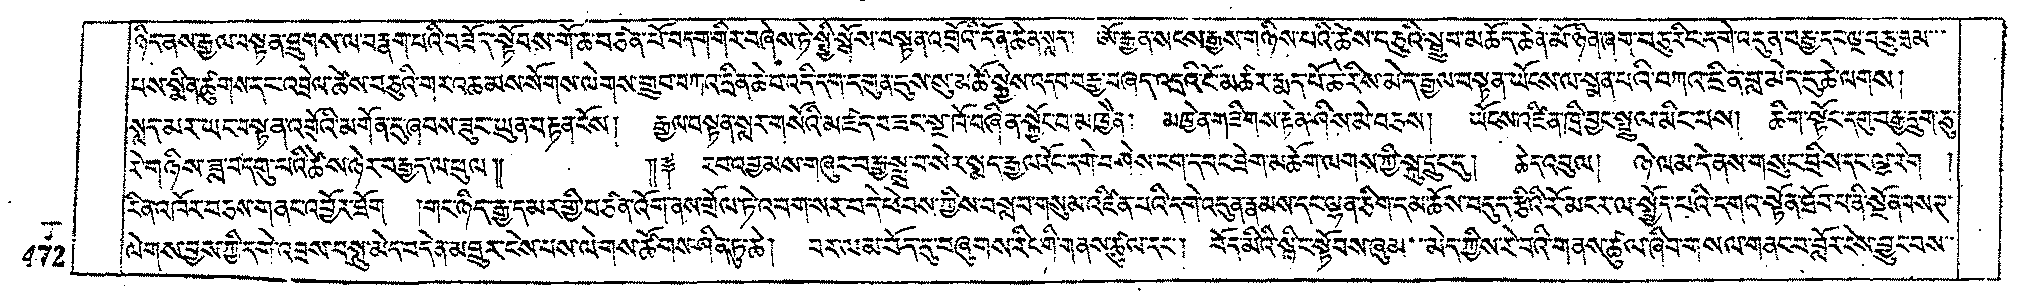ཉིད་ནས་རྒྱལ་བསྟན་ཐུགས་ལ་བྲང་པའི་བཟོད་སྟོབས་གོ་ཆ་བཙན་པོ་བདག་གིར་བཞེས་ཏེ་སྤྱི་སྒོས་བསྟན་འགྲོའི་དོན་ཆེན་སླད། ཨོ་རྒྱན་སངས་རྒྱས་གཉིས་པའི་ཚེས་བཅུའི་སྒྲུབ་མཆོད་ཆེན་མོ་ཉིན་ཞག་བཅུ་རིང་དགེ་འདུན་བརྒྱ་དང་ལྔ་བཅུ་ཐམ་་་
པས་སྨིན་ཚུགས་དང་འབྲེལ་ཚེས་བཅུའི་གར་འཆམས་སོགས་ལེགས་གྲུབ་བཀའ་དྲིན་ཆེ་བ་འདི་དག་དགུན་དུས་སུ་མཚོ་སྐྱེས་འདབ་བརྒྱ་བཞད་འདྲའི་ངོ་མཚར་རྨད་པོ་ཆེ་རིས་མེད་རྒྱལ་བསྟན་ཡོངས་ལ་སྨན་པའི་བཀའ་དྲིན་བླ་མེད་དུ་ཆེ་ལགས།
སླད་མར་ཡང་བསྟན་འགྲོའི་མགོན་དུ་ཞབས་ཟུང་ཡུན་བསྟན་ངོས། རྒྱལ་བསྟན་སླར་གསོའི་མཛད་བཟང་སྔ་ཁོ་བཞིན་སྐྱོང་བ་མཁྱཻན། མཁྱེན་གཟིགས་རྟེན་ཤིས་མེ་བཅས། ཡོངས་འཛིན་ཁྲི་བྱང་སྤྲུལ་མིང་པས། ཆིག་སྟོང་དགུ་བརྒྱ་དྲུག་ཅུ་
རེ་གཉིས་ཟླ་བ་དགུ་པའི་ཚེས་ཉེར་བརྒྱད་ལ་ཕུལ།། །།འ་རབ་འབྱམས་གཞུང་བརྒྱ་སྨྲ་བ་སེར་སྨད་རྒྱལ་རོང་དགེ་བཤེས་ངག་དབང་ཐེག་མཆོག་ལགས་ཀྱི་སྐུ་དྲུང་དུ། ཆེད་འབུལ། ཉེ་ལམ་དེ་ནས་གསུང་བྲིས་དང་ལྷ་རེག །
རིན་འཁོར་བཅས་གནང་འབྱོར་ཐོག །གང་ཉིད་རྒྱ་དམར་གྱི་བཙན་འོག་ནས་གྲོལ་ཏེ་འབག་སར་བདེ་ཕེབས་ཀྱིས་བསླབ་གསུམ་འཛིན་པའི་དགེ་འདུན་རྣམས་དང་ལྷན་ཅིག་དམ་ཆོས་བདུད་རྩིའི་རོ་མངར་ལ་སྤྱོད་པའི་དགའ་སྟོན་ཐོབ་པ་ནི་སྔོན་བསཌ་
ལེགས་བྱས་ཀྱི་དགེ་འབྲས་བསླུ་མེད་བདེན་མ་ཐུར་ངེས་པས་ལེགས་ཚོགས་ཤིན་ཏུ་ཆེ། བར་ལམ་བོད་དུ་བཞུགས་རིང་གི་གནས་ཚུལ་དང་། བོད་མིའི་སྙིང་སྟོབས་ཞུམ་་་མེད་ཀྱིས་རེ་བའི་གནས་ཚུལ་ཞིབ་གསལ་གནང་བ་བློར་ངེས་བྱུང་བས་་་